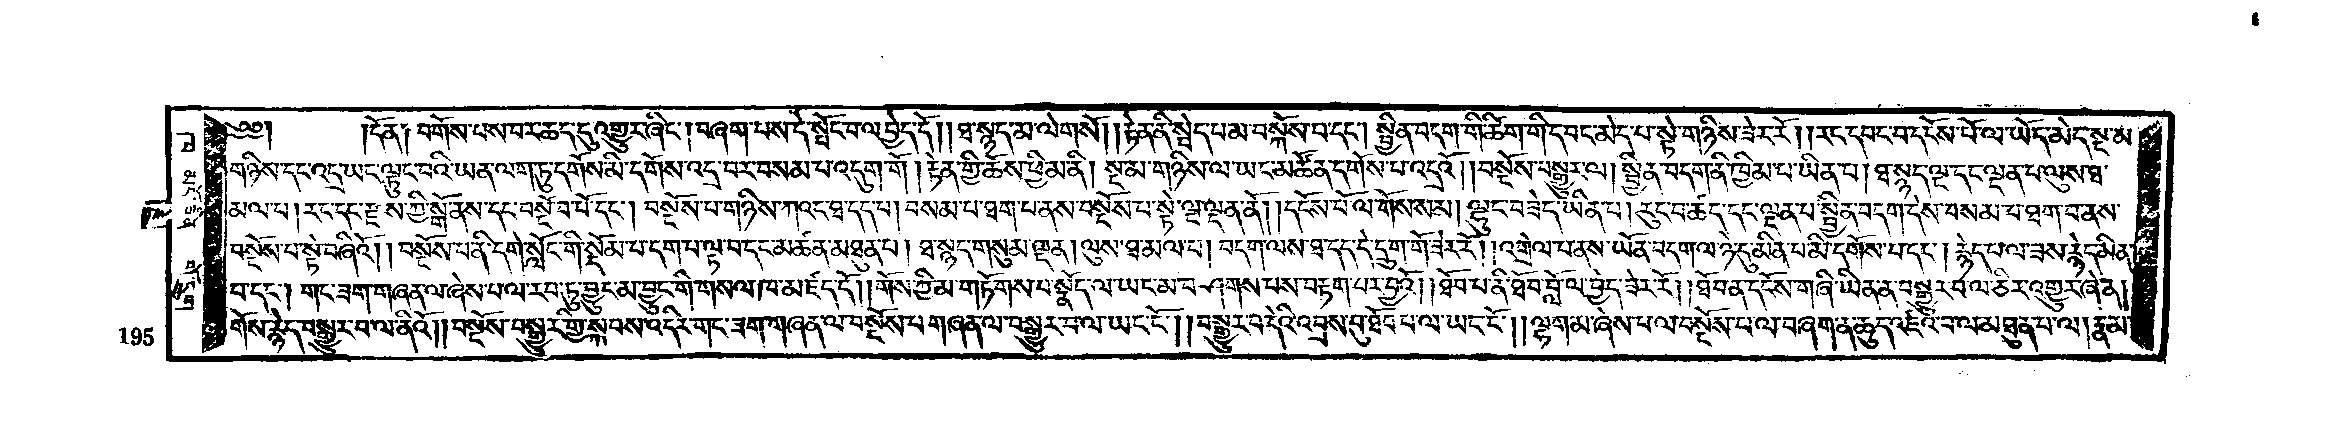༄༅། །དོན། བགོས་པས་བར་ཆད་དུ་འགྱུར་ཞིང་། བཞག་པས་དེ་སྤོང་བ་ལ་བྱེད་དོ། །ཐ་སྙད་མ་ལེགས་སོ། །རྟེན་ནི་སྦེད་པ་མ་བསྐེས་པ་དང་། སྦྱིན་བདག་གི་ཚིག་གི་དབང་མེད་པ་སྟེ་གཉིས་ཟེར་རོ། །རང་དབང་བ་དངོས་པོ་ལ་ཡོད་མེད་སྔ་མ་
གཉིས་དང་འདྲ་ཡང་ལྟུང་བའི་ཡན་ལག་ཏུ་དགོས་མི་དགོས་འདྲ་བར་བསམ་པ་འདུག་གོ །རྟེན་གྱི་ཆོས་ཕྱི་མ་ནི། སྔ་མ་གཉིས་ལ་ཡང་མཚོན་དགོས་པ་འདྲའོ། །བསྔོས་བསྒྱུར་ལ། སྦྱིན་བདག་ནི་ཁྱིམ་པ་ཡིན་པ། ཐ་སྙད་ལྔ་དང་ལྡན་པ་ལུས་ཐ་
མལ་པ། རང་དང་རྫས་ཀྱི་སྒོ་ནས་དང་བསྔོ་བ་པོ་དང་། བསྔོས་པ་གཉིས་ཀའང་ཐ་དད་པ། བསམ་པ་ཐག་པ་ནས་བསྔོས་པ་སྟེ་ལྔ་ལྡན་ནོ། །དངོས་པོ་ལ་གོས་སམ། ལྷུང་བཟེད་ཡིན་པ། རུང་བ་ཚད་དང་ལྡན་པ་སྦྱིན་བདག་དེས་བསམ་པ་ཐག་པ་ནས་
བསྔོས་པ་སྟེ་བཞིའོ། །བསྔོས་པ་ནི་དགེ་སློང་གི་སྡོམ་པ་དག་པ་ལྟ་བ་དང་མཚན་མཐུན་པ། ཐ་སྙད་གསུམ་ལྡན། ལུས་ཐ་མལ་པ། བདག་ལས་ཐ་དད་དེ་དྲུག་གོ་ཟེར་རོ། །འགྲེལ་པ་ནས་ཡོན་བདག་ལ་ཉེ་དུ་མིན་པ་མི་དགོས་པ་དང་། རྙེད་པ་ལ་ཟས་རྙེད་མིན་
པ་དང་། གང་ཟག་གཞན་ལ་ཞེས་པ་ལ་རབ་ཏུ་བྱུང་མ་བྱུང་གི་གསལ་ཁ་མཛད་དོ། །གོས་ཀྱི་མ་གཏོགས་པ་སྣོད་ལ་ཡང་མ་བཤགས་པས་བརྟག་པར་བྱའོ། །ཐོབ་པ་ནི་ཐོབ་བློ་ལ་བྱེད་ཟེར་རོ། །ཐོབ་ན་དངོས་གཞི་ཡིན་ན་བསྒྱུར་བ་ལ་ཅིར་འགྱུར་ཞེ་ན།
གོས་རྙེད་བསྒྱུར་བ་ལ་ནིའོ། །བསྔོས་བསྒྱུར་གྱི་སྐབས་འདིར་གང་ཟག་གཞན་ལ་བསྔོས་པ་གཞན་ལ་བསྒྱུར་བ་ལ་ཡང་ངོ། །བསྒྱུར་བ་དེའི་འབྲས་བུ་ཐོབ་པ་ལ་ཡང་ངོ། །ལྷག་མ་ཞེས་པ་ལ་བསྔོས་པ་ལ་བཞག་ན་ཆུད་འཛའ་བ་ལ་མཐུན་པ་ལ། རྣམ་